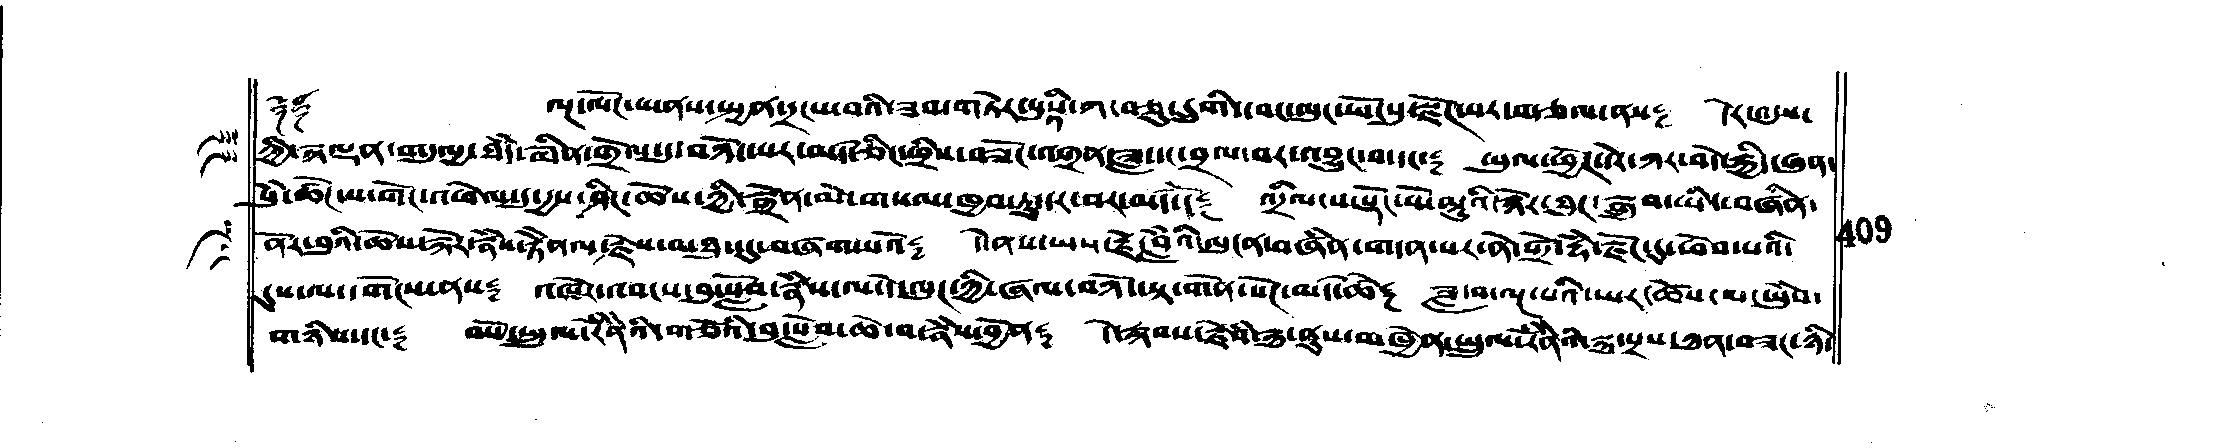ལྔ་ལ་སོགས་པ་ནས་སྤྱན་དྲངས་བའི་ཟབ་གཏེར་པུསྟི་ཀ་བཅུ་དྲུག་གི་དབང་ལུང་ཡོངས་སུ་རྫོགས་པར་བསྩལ་ནས། དེར་འདུས་
ཀྱི་སྐལ་ལྡན་གདུལ་བྱ་ཐམས་ཅད་སྨིན་གྲོལ་དུ་བཀོད་པར་མཛད་ཅིང་ཕྲིན་ལས་བཟང་པོ་འགྲན་ཟླ་དང་བྲལ་བར་བྱུང་བ་དང་། ཡུལ་ཕྱོགས་དེ་ཀར་བདེ་སྐྱིད་ཕུན་
སུམ་ཚོགས་པ་གོང་འཕེལ་དུ་རྒྱས་ཤིང་ཆོས་ཀྱི་སྒྲོན་མེ་གསལ་ཁྱབ་ཏུ་དར་བར་མཛད་དོ། འདྲིལ་བ་སྡོང་པོ་ལྟ་བུའི་སྐོར་ཐུགས་སྒྲུབ་ཡིད་བཞིན་
ནོར་བུའི་ཆོས་སྐོར་རྣམས་རྟེན་འབྲེལ་རྗེས་མཐུད་དུ་བཞག་པའོ། དེ་ནས་ཡབ་རྗེ་བླ་མའི་ལུང་བསྟན་བཞིན་གདན་སར་ནེ་གྲོ་རྡོ་རྗེ་རྫོང་དུ་ཕེབས་པའི་
དུས་ལ་དགོངས་ནས། འཁོར་འབངས་བུ་སློབ་རྣམས་ལ་དེ་ལུགས་ཀྱི་ཞལ་བཀོད་སྟ་གོན་སོགས་མཛད་ཚེ། ཟླ་བ་ལྔ་པའི་ཡར་ཚེས་ལ་ཡབ་ཡུམ་
གཉིས་དང་། བསོ་སྤྲུལ་རིན་པོ་ཆེའི་གཙོས་བུ་སློབ་ཆེ་བ་རྣམས་བྱོན། དེ་སྐབས་རྗེའི་སྐུ་ནུས་མཁྱེན་སྤྲུལ་རིན་པོ་ཆེའི་སྐུ་སྲས་ཀུན་བཟང་ཉི་